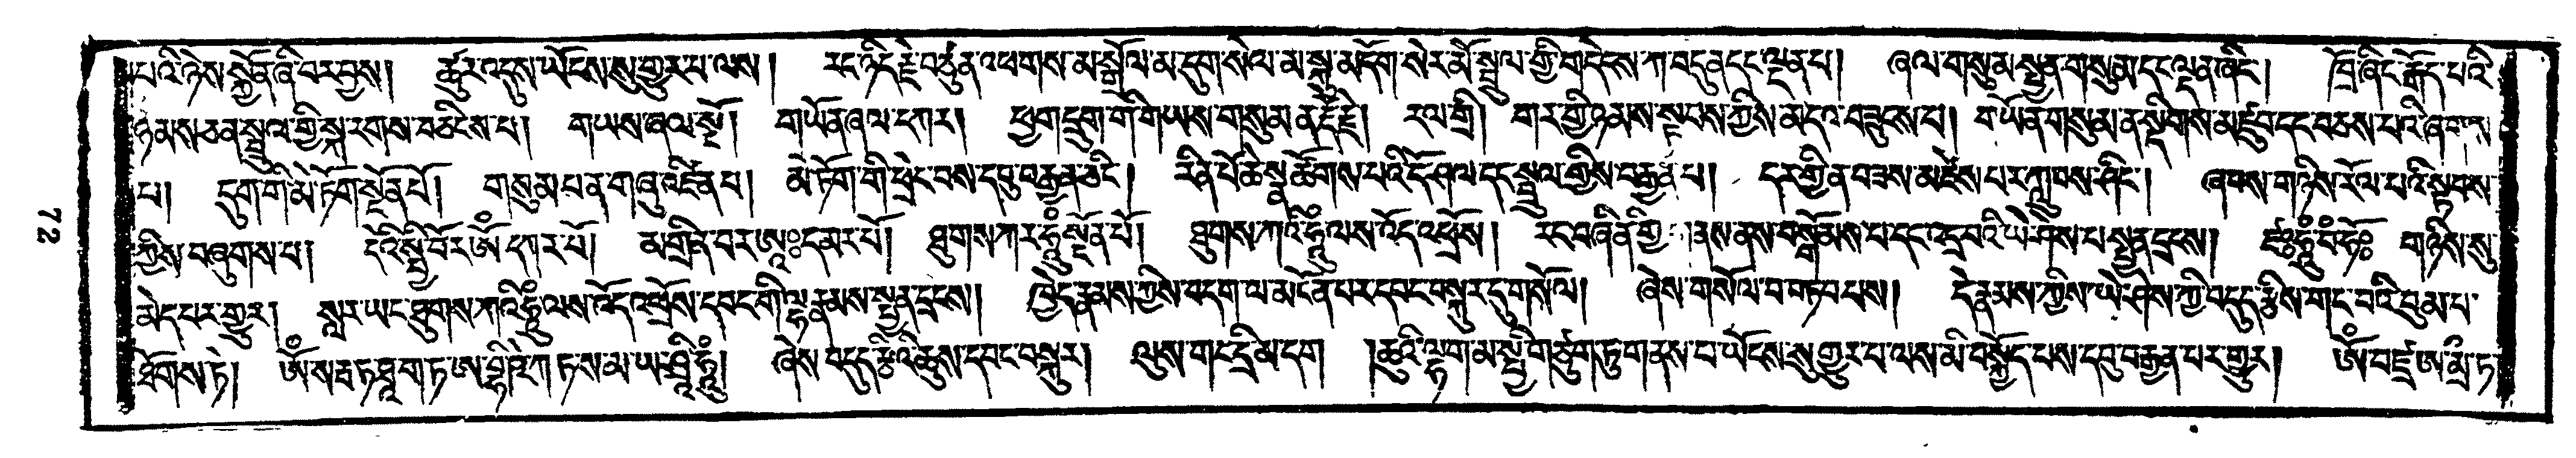པའི་ཉེས་སྐྱོན་ཞི་བར་བྱས། ཚུར་འདུས་ཡོངས་སུ་གྱུར་པ་ལས། རང་ཉིད་རྗེ་བཙུན་འཕགས་མ་སྒྲོལ་མ་དུག་སེལ་མ་སྐུ་མདོག་སེར་མོ་སྤྲུལ་གྱི་གདེངས་ཀ་བདུན་དང་ལྡན་པ། ཞལ་གསུམ་སྤྱན་གསུམ་དང་ལྡན་ཞིང་། ཁྲོ་ཞིང་རྒོད་པའི་
ཉམས་ཅན་སྤྲུལ་གྱི་སྐ་རགས་བཅིངས་པ། གཡས་ཞལ་སྔོ། གཡོན་ཞལ་དཀར། ཕྱག་དྲུག་གི་གཡས་གསུམ་ན་རྡོ་རྗེ། རལ་གྲི། གར་གྱི་ཉམས་སྟབས་ཀྱིས་མདའ་བཟུངས་པ། གཡོན་གསུམ་ན་སྡིགས་མཛུབ་དང་བཅས་པའི་ཞགས་
པ། དུག་གི་མེ་ཏོག་སྔོན་པོ། གསུམ་པ་ན་གཞུ་འཛིན་པ། མེ་ཏོག་གི་ཕྲེང་བས་དབུ་བརྒྱན་ཅིང་། རིན་པོ་ཆེ་སྣ་ཚོགས་པའི་དོ་ཤལ་དང་སྦྲུལ་གྱིས་བརྒྱན་པ། དར་གྱི་ན་བཟས་མཛེས་པར་ཀླུབས་ཤིང་། ཞབས་གཉིས་རོལ་པའི་སྟབས་
ཀྱིས་བཞུགས་པ། དེའི་སྤྱི་བོར་ཨོཾ་དཀར་པོ། མགྲིན་པར་ཨཱཿ དམར་པོ། ཐུགས་ཀར་ཧཱུཾ་སྔོན་པོ། ཐུགས་ཀའི་ཧཱུཾ་ལས་འོད་འཕྲོས། རང་བཞིན་གྱི་གནས་ནས་བསྒོམས་པ་དང་འདྲ་བའི་ཡེ་ཤེས་པ་སྤྱན་དྲངས། ཛཿ ཧཱུཾ་བཾ་ཧོཿ གཉིས་སུ་
མེད་པར་གྱུར། སླར་ཡང་ཐུགས་ཀའི་ཧཱུཾ་ལས་འོད་འཕྲོས་དབང་གི་ལྷ་རྣམས་སྤྱན་དྲངས། ཁྱེད་རྣམས་ཀྱིས་བདག་ལ་མངོན་པར་དབང་བསྐུར་དུ་གསོལ། ཞེས་གསོལ་བ་བཏབ་པས། དེ་རྣམས་ཀྱིས་ཡེ་ཤེས་ཀྱི་བདུད་རྩིས་གང་བའི་བུམ་པ་
བྲོགས་ཏེ། ཨོཾ་སརྦ་ཏ་ཐཱ་ག་ཏ་ཨ་བྷི་ཥེ་ཀ་ཏ་ས་མ་ཡ་ཤྲཱི་ཧཱུཾ། ཞེས་བདུད་རྩིའི་ཆུས་དབང་བསྐུར། ལུས་གང་དྲི་མ་དག །ཆུའི་ལྷག་མ་སྤྱི་གཙུག་ཏུ་གནས་པ་ཡོངས་སུ་གྱུར་པ་ལས་མི་བསྐྱོད་པས་དབུ་བརྒྱན་པར་གྱུར། ཨོཾ་བཛྲ་ཨ་མྲྀ་ཏ་